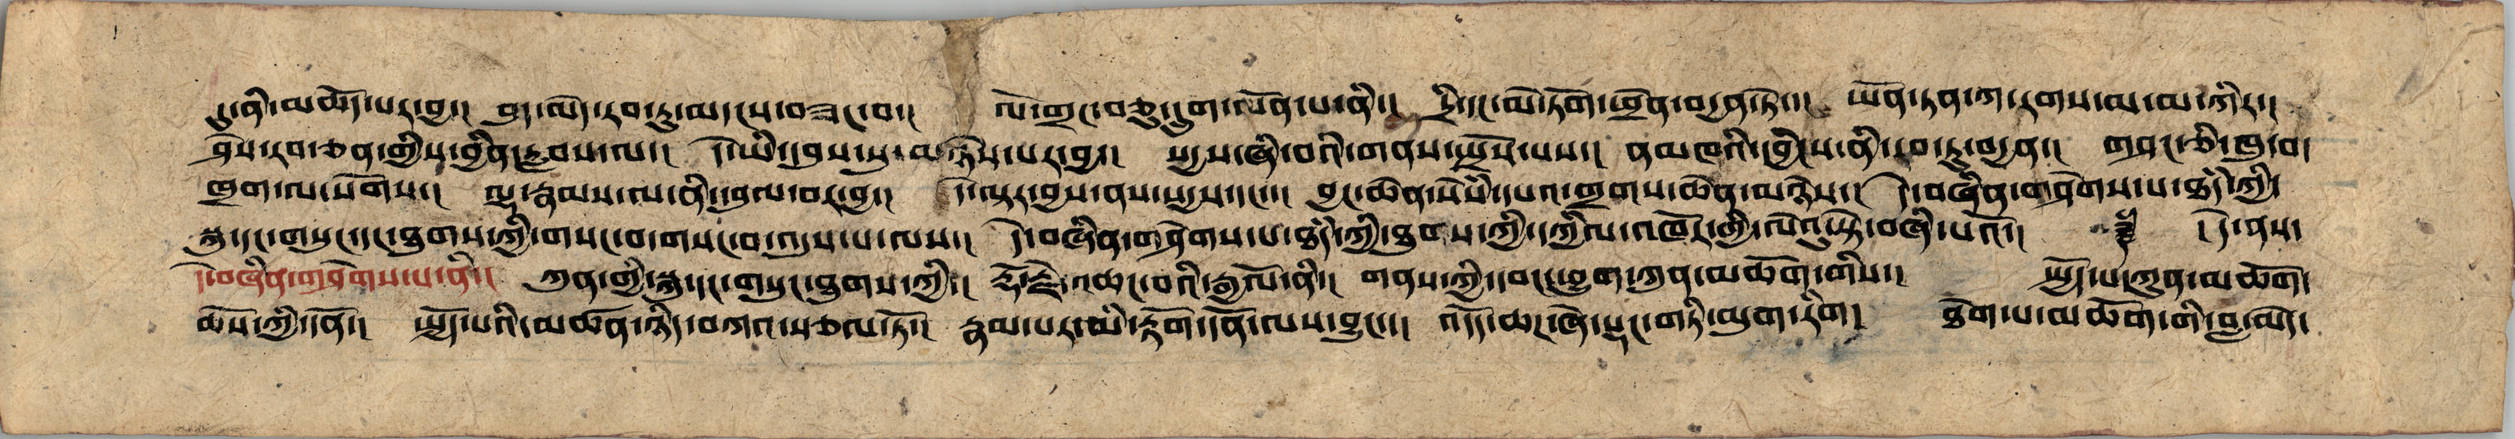དུ་ནི་མཆོད་པར་བྱ་། བུད་མེད་རབ་ཏུ་མདངས་བཟང་བ་། ལོ་གྲང་བཅུ་དྲུག་ལོན་པ་ནི་། དྲི་དང་མེ་ཏོག་ཕྲེན་བདྱན་ཏེ་། ཡོན་ཏན་ཀ་རགས་མ་མ་ཀིར་།
ཤེས་རབ་ཅན་གྱིས་བྱིན་རླབས་ལ་། དེ་ཡི་དབུས་སུ་མཉེས་པར་བྱ་། སདྱས་ཞི་བའི་གནས་སྤྲོས་པས་། ནམཁའི་དབྱིངས་ནི་རབ་ཏུ་བདྱན་། གཤང་ཅི་ཁུ་བ་
ཁྲག་ལ་སོགས་། ལྷ་རྣམས་ལ་ནི་དབུལ་བར་བྱ་། དེ་ལྟར་བྱས་ནས་སདྱས་དང་་། བྱང་ཆེན་སེཾས་དཔའ་གྲགས་ཆེན་མཉེས་། དེ་བཞིན་གཤེགས་པ་ཐཾད་ཀྱི་
སྐུ་དང་གསུང་དང་ཐུགས་ཀྱི་གསང་བ་གསང་བ་འདུས་པ་ལས་། དེ་བཞིན་གཤེགས་པ་ཐཾད་ཀྱི་ཐུགས་ཀྱི་དཀྱིལ་འཁོར་གྱི་ལེའུ་སྟེ་བཞི་པའོ་། ༈ ། དེ་ནས་
དེ་བཞིན་གཤེགས་པ་ནི་། ཀུན་གྱི་སྐུ་དང་གསུང་ཐུགས་ཀྱི་། རྡོ་རྗེ་འཆང་བའི་རྒྱལོ་ནི་། གནས་ཀྱི་དབང་ཕྱུག་ཀུན་མཆོག་གིས་། སྤྱོད་པ་ཀུན་མཆོག་
ཆོས་ཀྱི་དོན་། སྤྱོད་པའི་མཚན་ཉིད་བཀའ་སྩལ་ཏོ་། རྣམ་པར་མི་རྟོག་དོན་ལས་བྱུང་་། འདོད་ཆཌ་ཞེ་སྡང་གཏི་མུག་རིག། ཐེག་པ་མཆོག་གི་བླ་མེད་